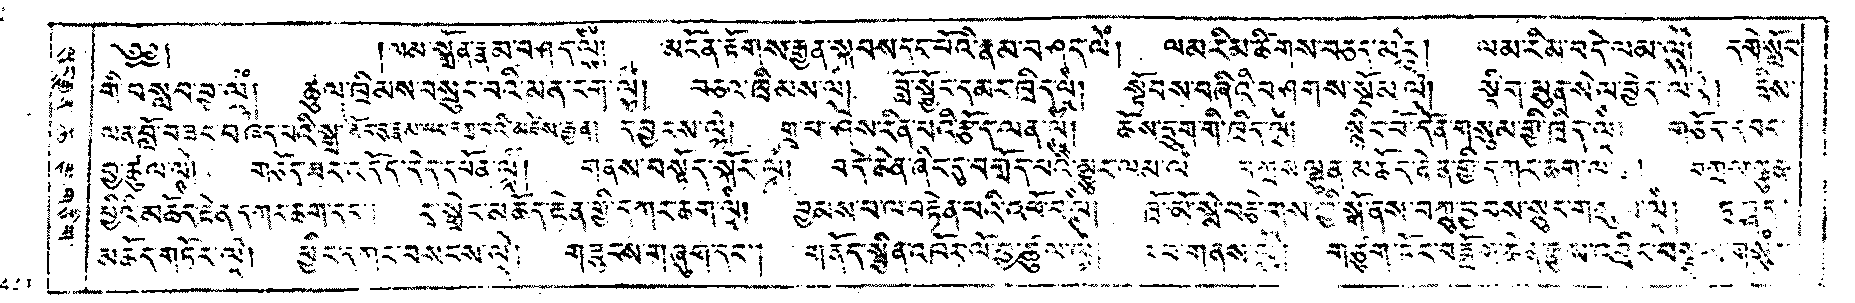༄༅། །ལམ་སྒྲོན་རྣམ་བཤད ༤༦་ལ ༥༤། མངོན་རྟོགས་རྒྱན་སྐབས་དང་པོའི་རྣམ་བཤད ༣༠་ལ ༧༡། ལམ་རིམ་ཚིགས་བཅད ༨་མར ༡༠། ལམ་རིམ་བདེ་ལམ ༢༥་ལ ༣༣། དགེ་སློང་
གི་བསླབ་བྱ ༡༠་ལ ༡༣། ཚུལ་ཁྲིམས་བསྲུང་བའི་མན་ངག ༡༦་ལ ༢༡། བཅའ་ཁྲིམས ༧་ལ ༨། བློ་སྦྱོང་དམར་ཁྲིད ༤་ལ ༥། སྟོབས་བཞིའི་བཤགས་སྡོམ ༣་ལ ༣། སྡིག་མུན་སེལ་བྱེད ༢་ལ ༣། དྲིས་
ལན་བློ་བཟང་བཞད་པའི་སྒྲ་ནོར་བུ་རྣམ་པར་བཀྲ་བའི་མཛེས་རྒྱན།  དབྱངས་ལེ ༡༡། གྲྭ་པ་ཤེས་རིན་པའི་རྩོད་ལན ༤༡་ལ ༤༥། ཆོས་དྲུག་གི་ཁྲིད ༦་ལ ༨། སྙིང་པོ་དོན་གསུམ་གྱི་ཁྲིད ༤་ལ ༥། གཅོད་དབང་
བྱ་ཚུལ ༣་ལ ༤། གཅོད་ཐར་འདོད་དེད་དཔོན ༡༡་ལ ༡༤། གནས་བསྟོད་སྐོར ༧་ལ ༩། བདེ་ཆེན་ཞིང་དུ་བགྲོད་པའི་མྱུར་ལམ ༦་ལ ༧། བཀྲས་ལྷུན་མཆོད་རྟེན་གྱི་དཀར་ཆག ༤་ལ ༦། བཀྲས་ལྷུན་
ཕྱིའི་མཆོད་རྟེན་དཀར་ཆག་དང་། རྭ་སྒྲེང་མཆོད་རྟེན་གྱི་དཀར་ཆག ༤་ལ ༥། བྱམས་པ་ལ་བརྟེན་པའི་འཕོ་བ ༤་ལ ༤། ཁྲོ་མོ་སྨེ་བརྩེགས་ཀྱི་སྒོ་ནས་བཀྲུ་བྱབས་སྲུང་གསུམ ༤་ལ ༥། ཏྲཀྴད་
མཆོད་གཏོར ༥་ལ ༥། ཕྱིང་དཀར་བསངས ༣་ལ ༣། གཟུངས་གཞུག་དང་། གནོད་སྦྱིན་འཁོར་ལོ་བྱ་ཚུལ ༦་ལ ༧། རབ་གནས ༢༥་ལ ༣༡། གཙུག་ཏོར་བཟློག་ཆེན་རྒྱས་འབྲིང་བསྡུས་གསུཾ་